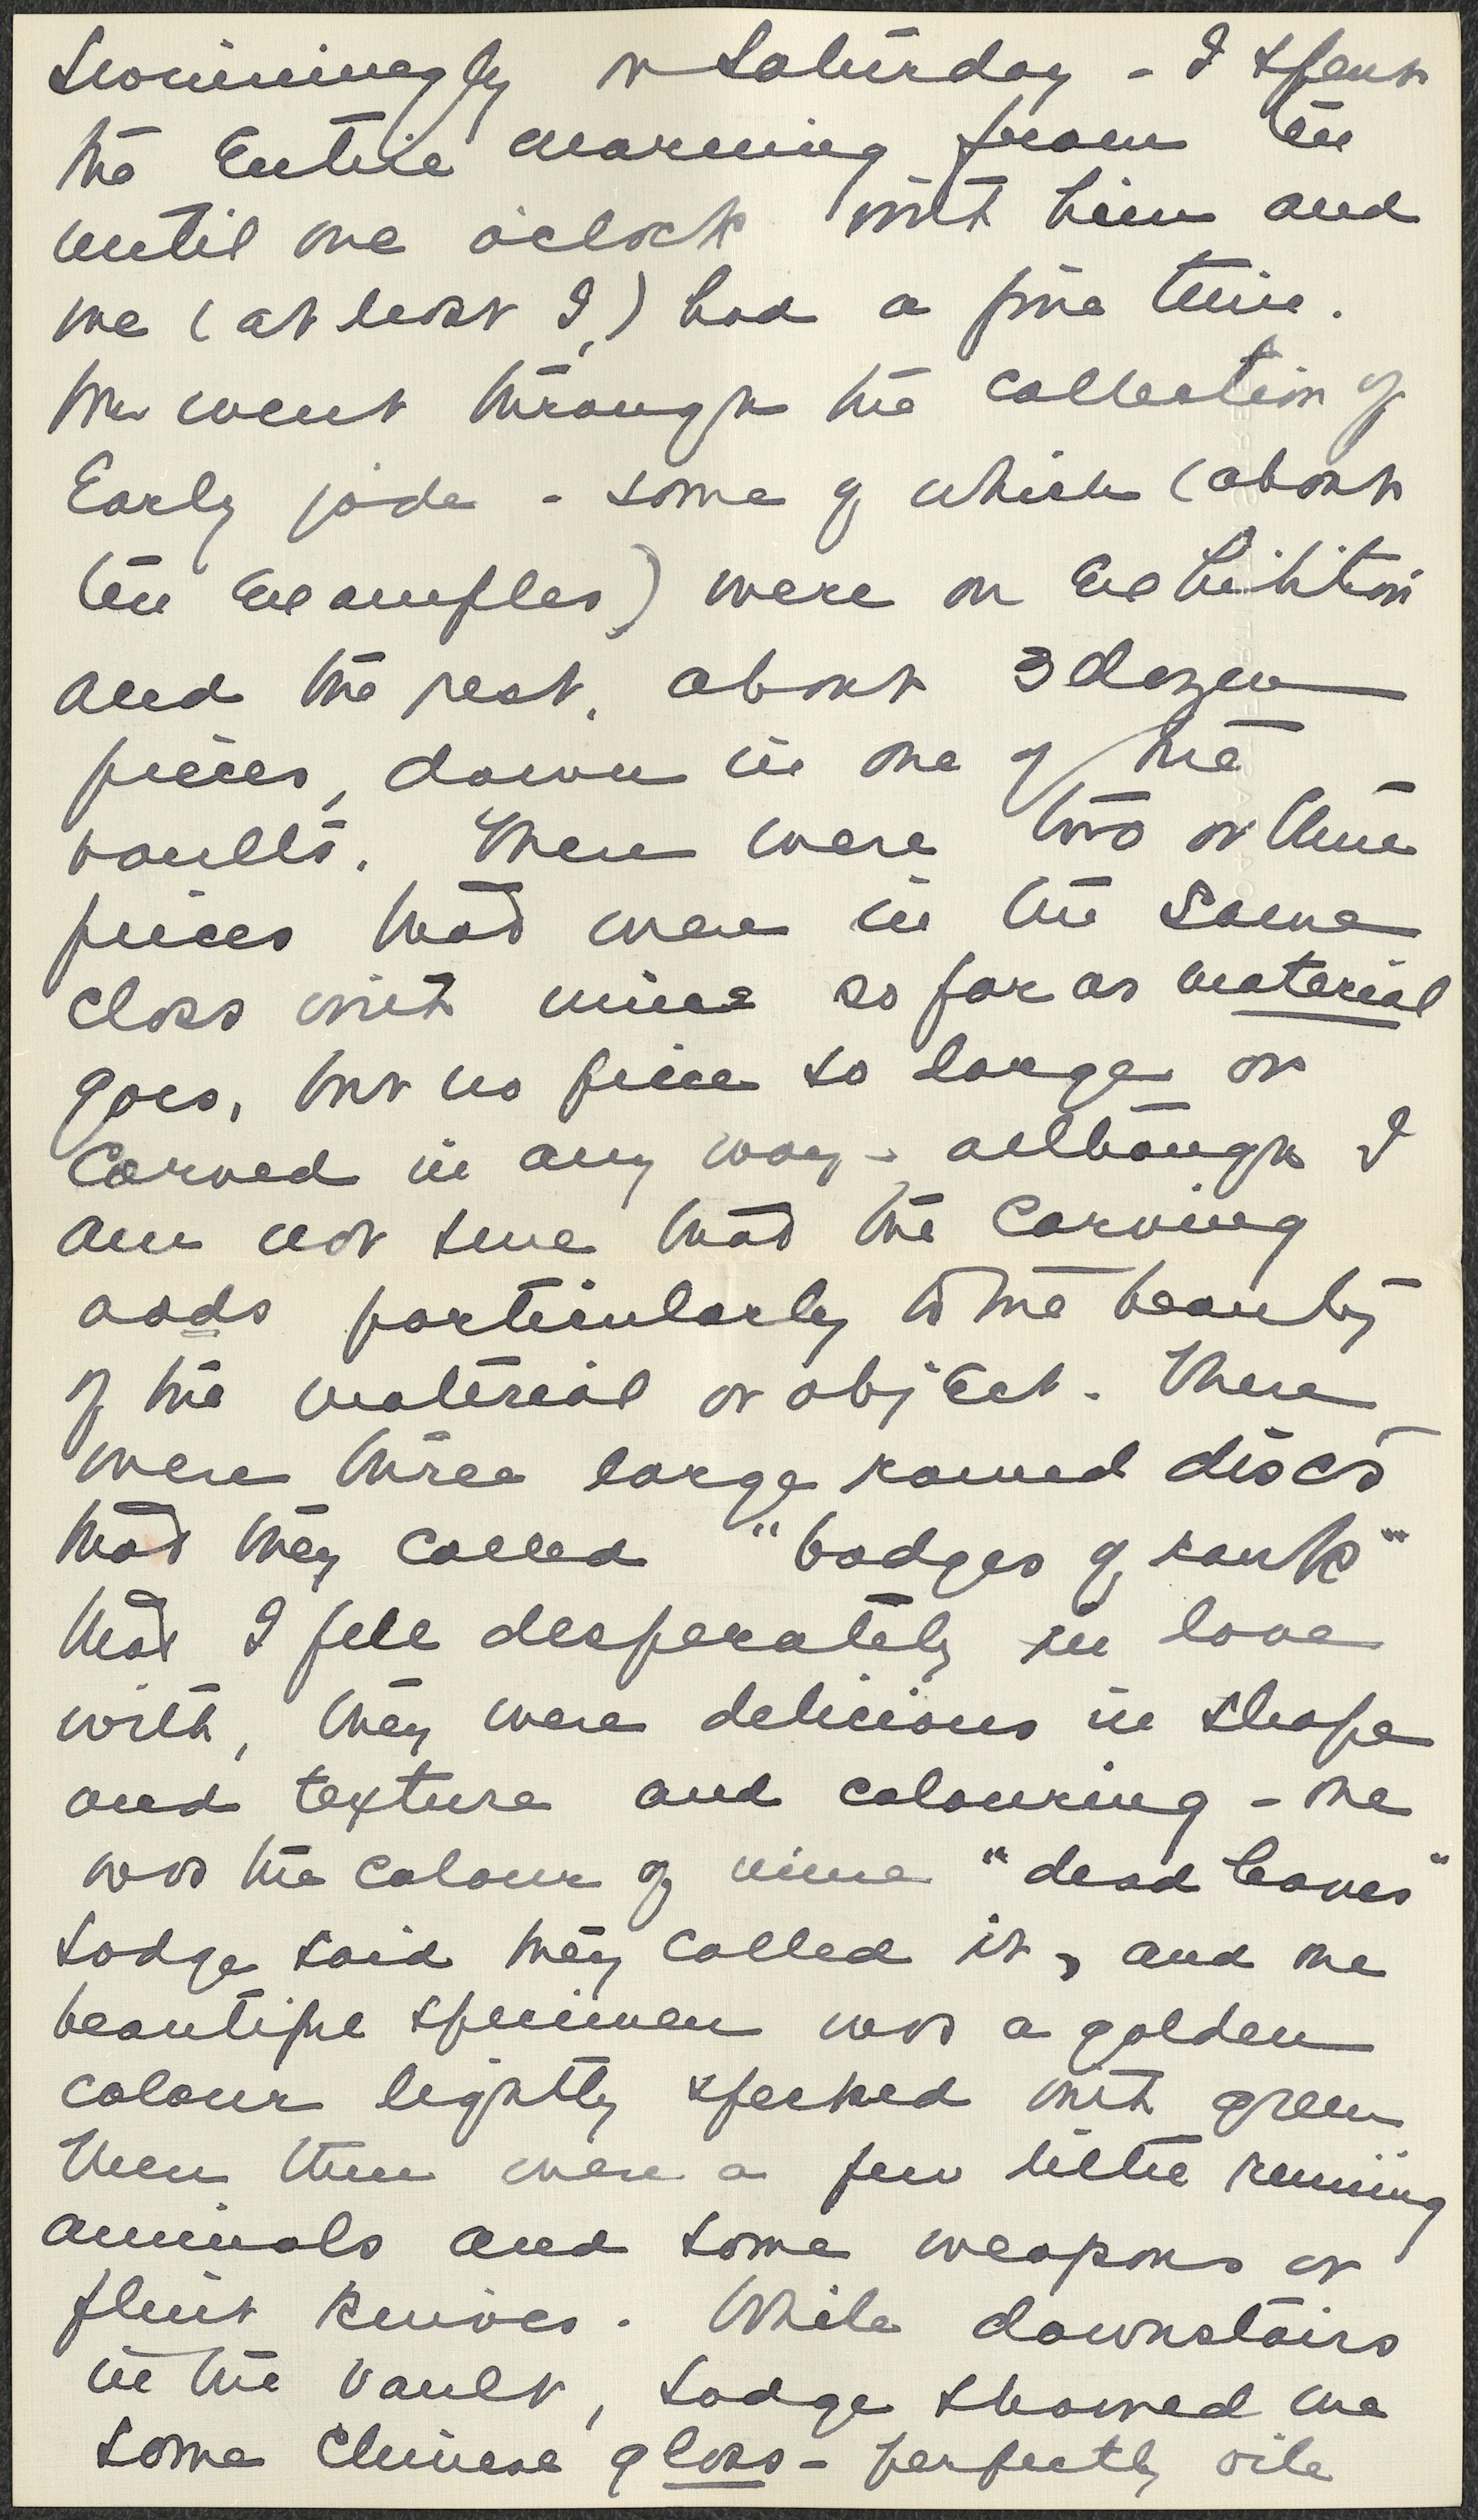swimmingly on Saturday – I spent the entire morning from ten until one o’clock with him and we (at least I,) had a fine time. We went through the collection of early jade – some of which (about ten examples) were on exhibition and the rest, about 3 dozen pieces, down in one of the vaults. There were two or three pieces that were in the same class with mine so far as material goes, but no piece so large or carved in any way – although I am not sure that the carving adds particularly to the beauty of the material or object. There were three large round discs that they called “badges of rank” that I fell desperately in love with, they were delicious in shape and texture and colouring – one was the colour of wine “dead leaves” Lodge said they called it, and one beautiful specimen was a golden colour lightly specked with green Then there were a few little running animals and some weapons or flint knives. While downstairs in the vault, Lodge showed me some Chinese glass – perfectly vile